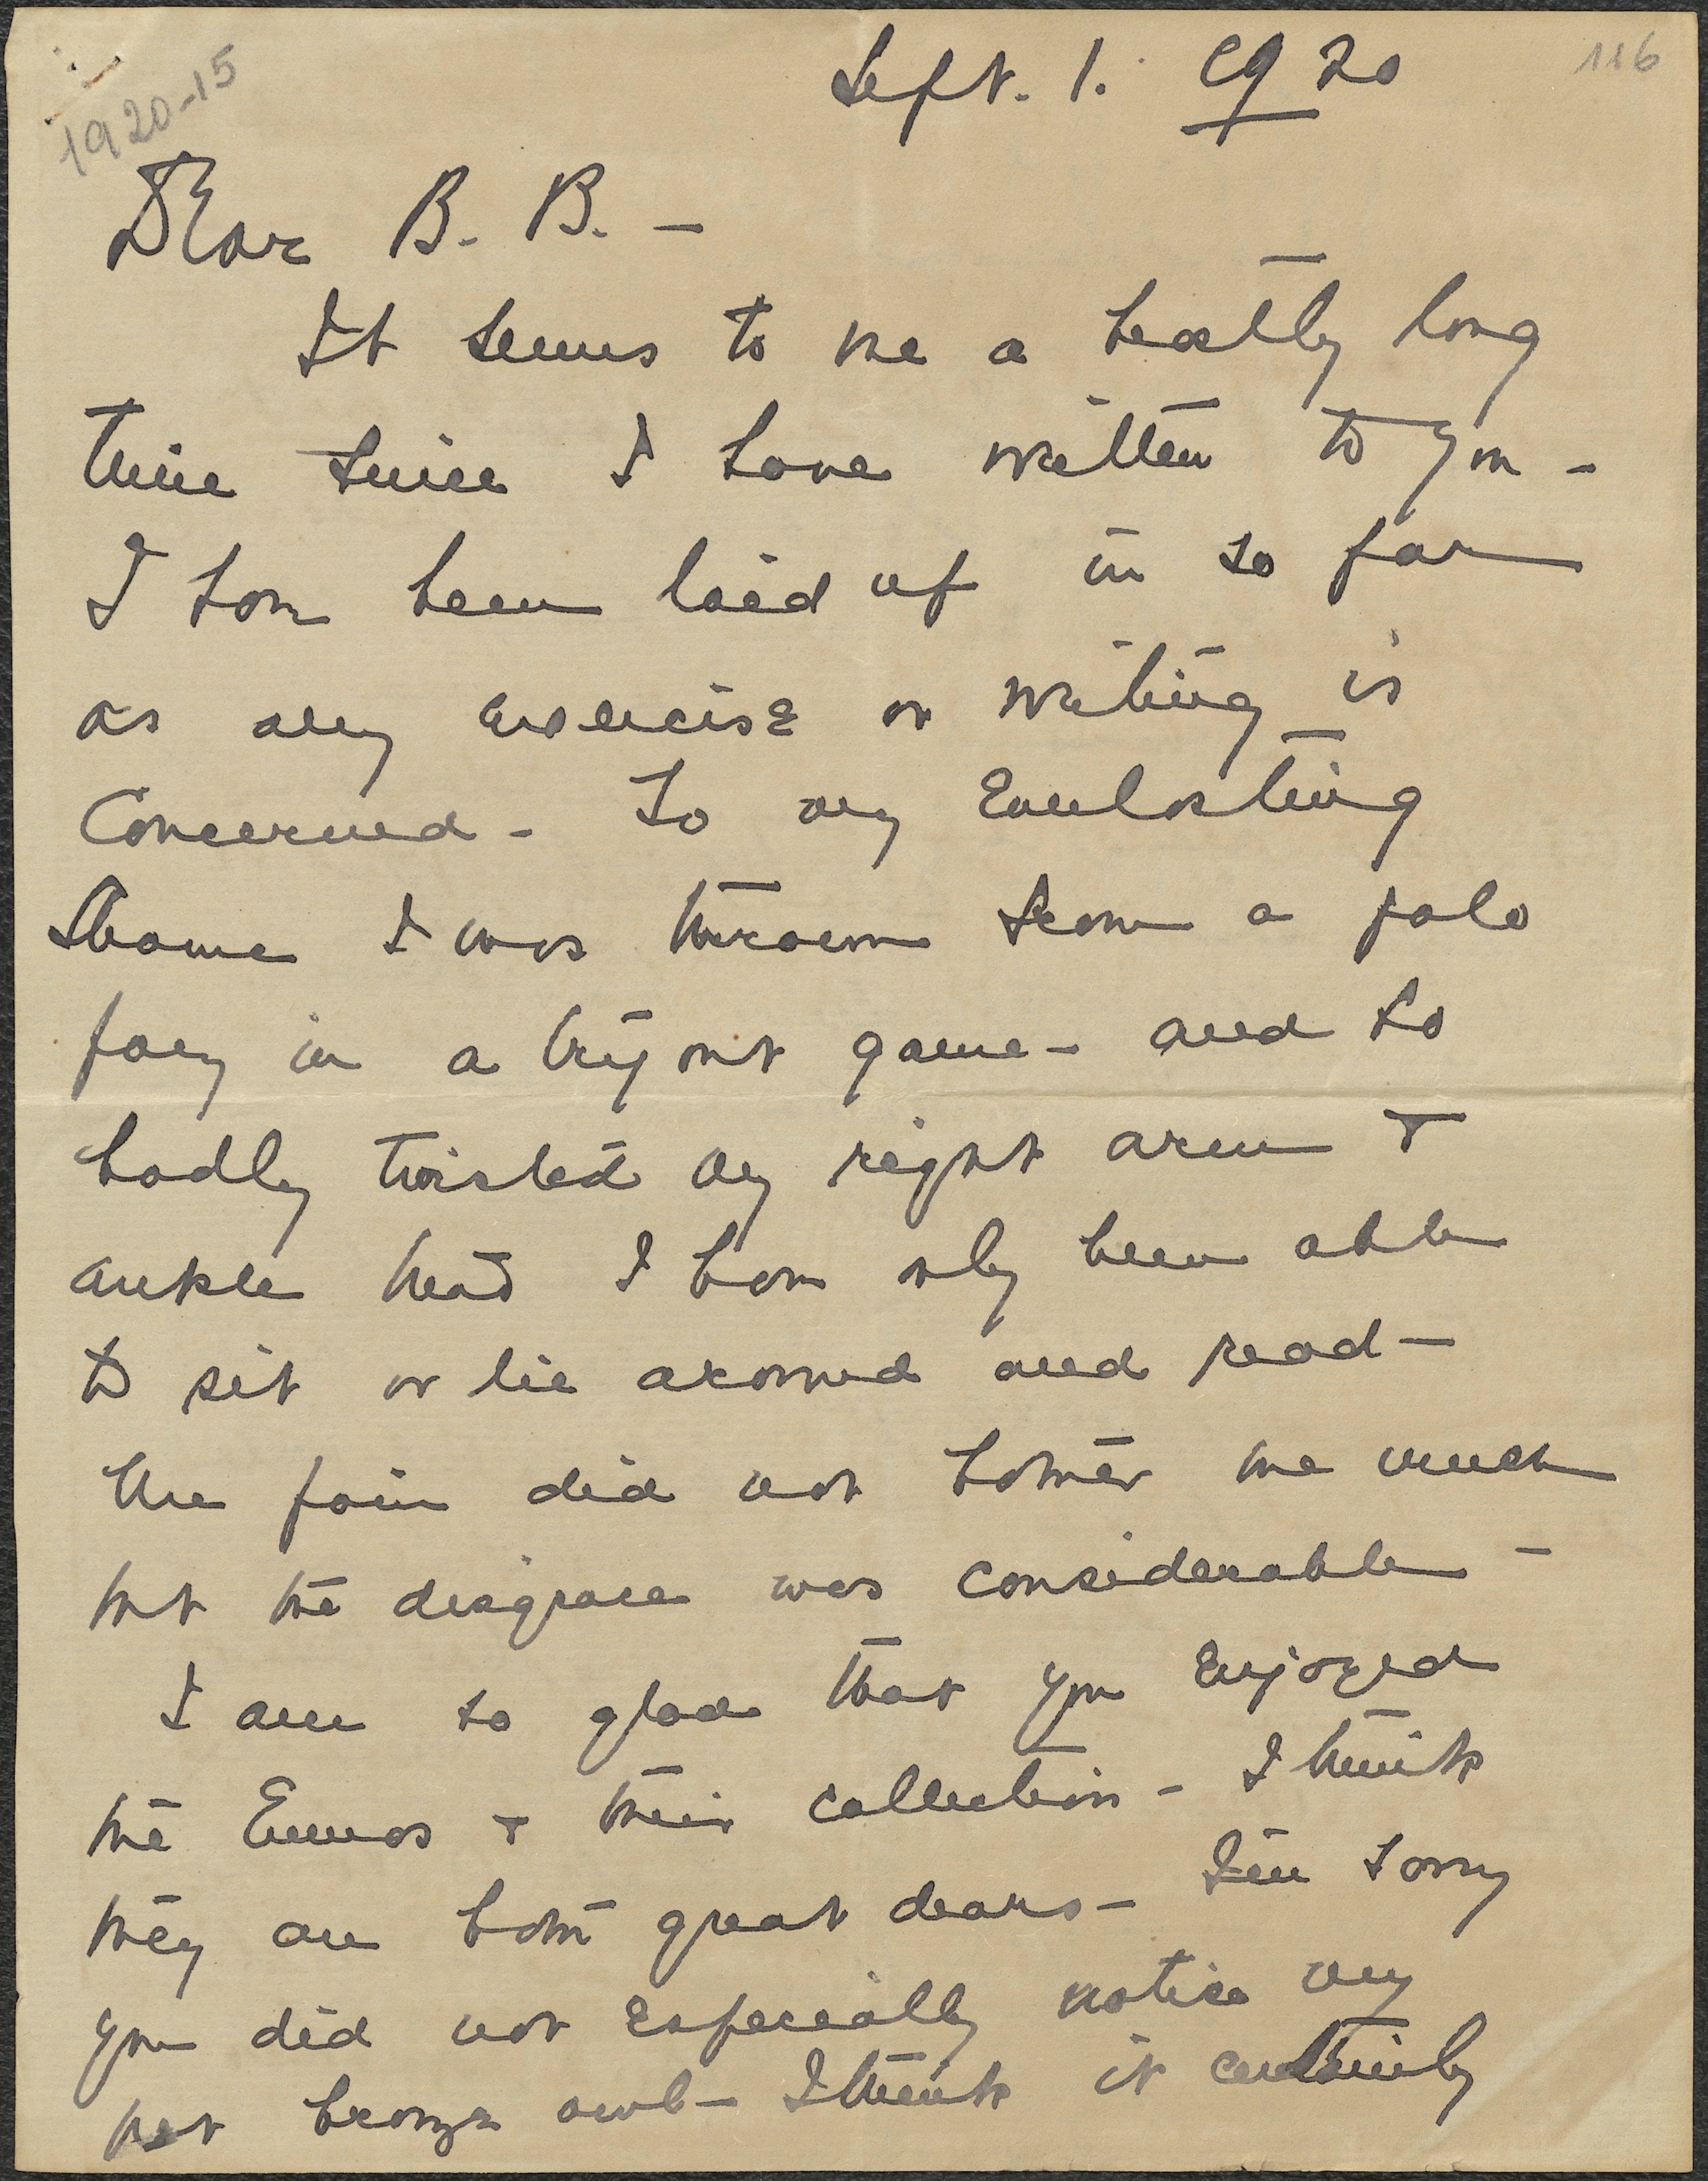Sept. 1. 1920
Dear B.B. –
It seems to me a beastly long time since I have written to you – I have been laid up in so far as any exercise or writing is concerned – To my everlasting shame I was thrown from a polo pony in a try out game – and so badly twisted my right arm & ankle that I have only been able to sit or lie around and read – The pain did not bother me much but the disgrace was considerable –
I am so glad that you enjoyed the Eumos & their collection – I think they are both great dears – I'm sorry you did not especially notice my pet bronze owl – I think it certainly